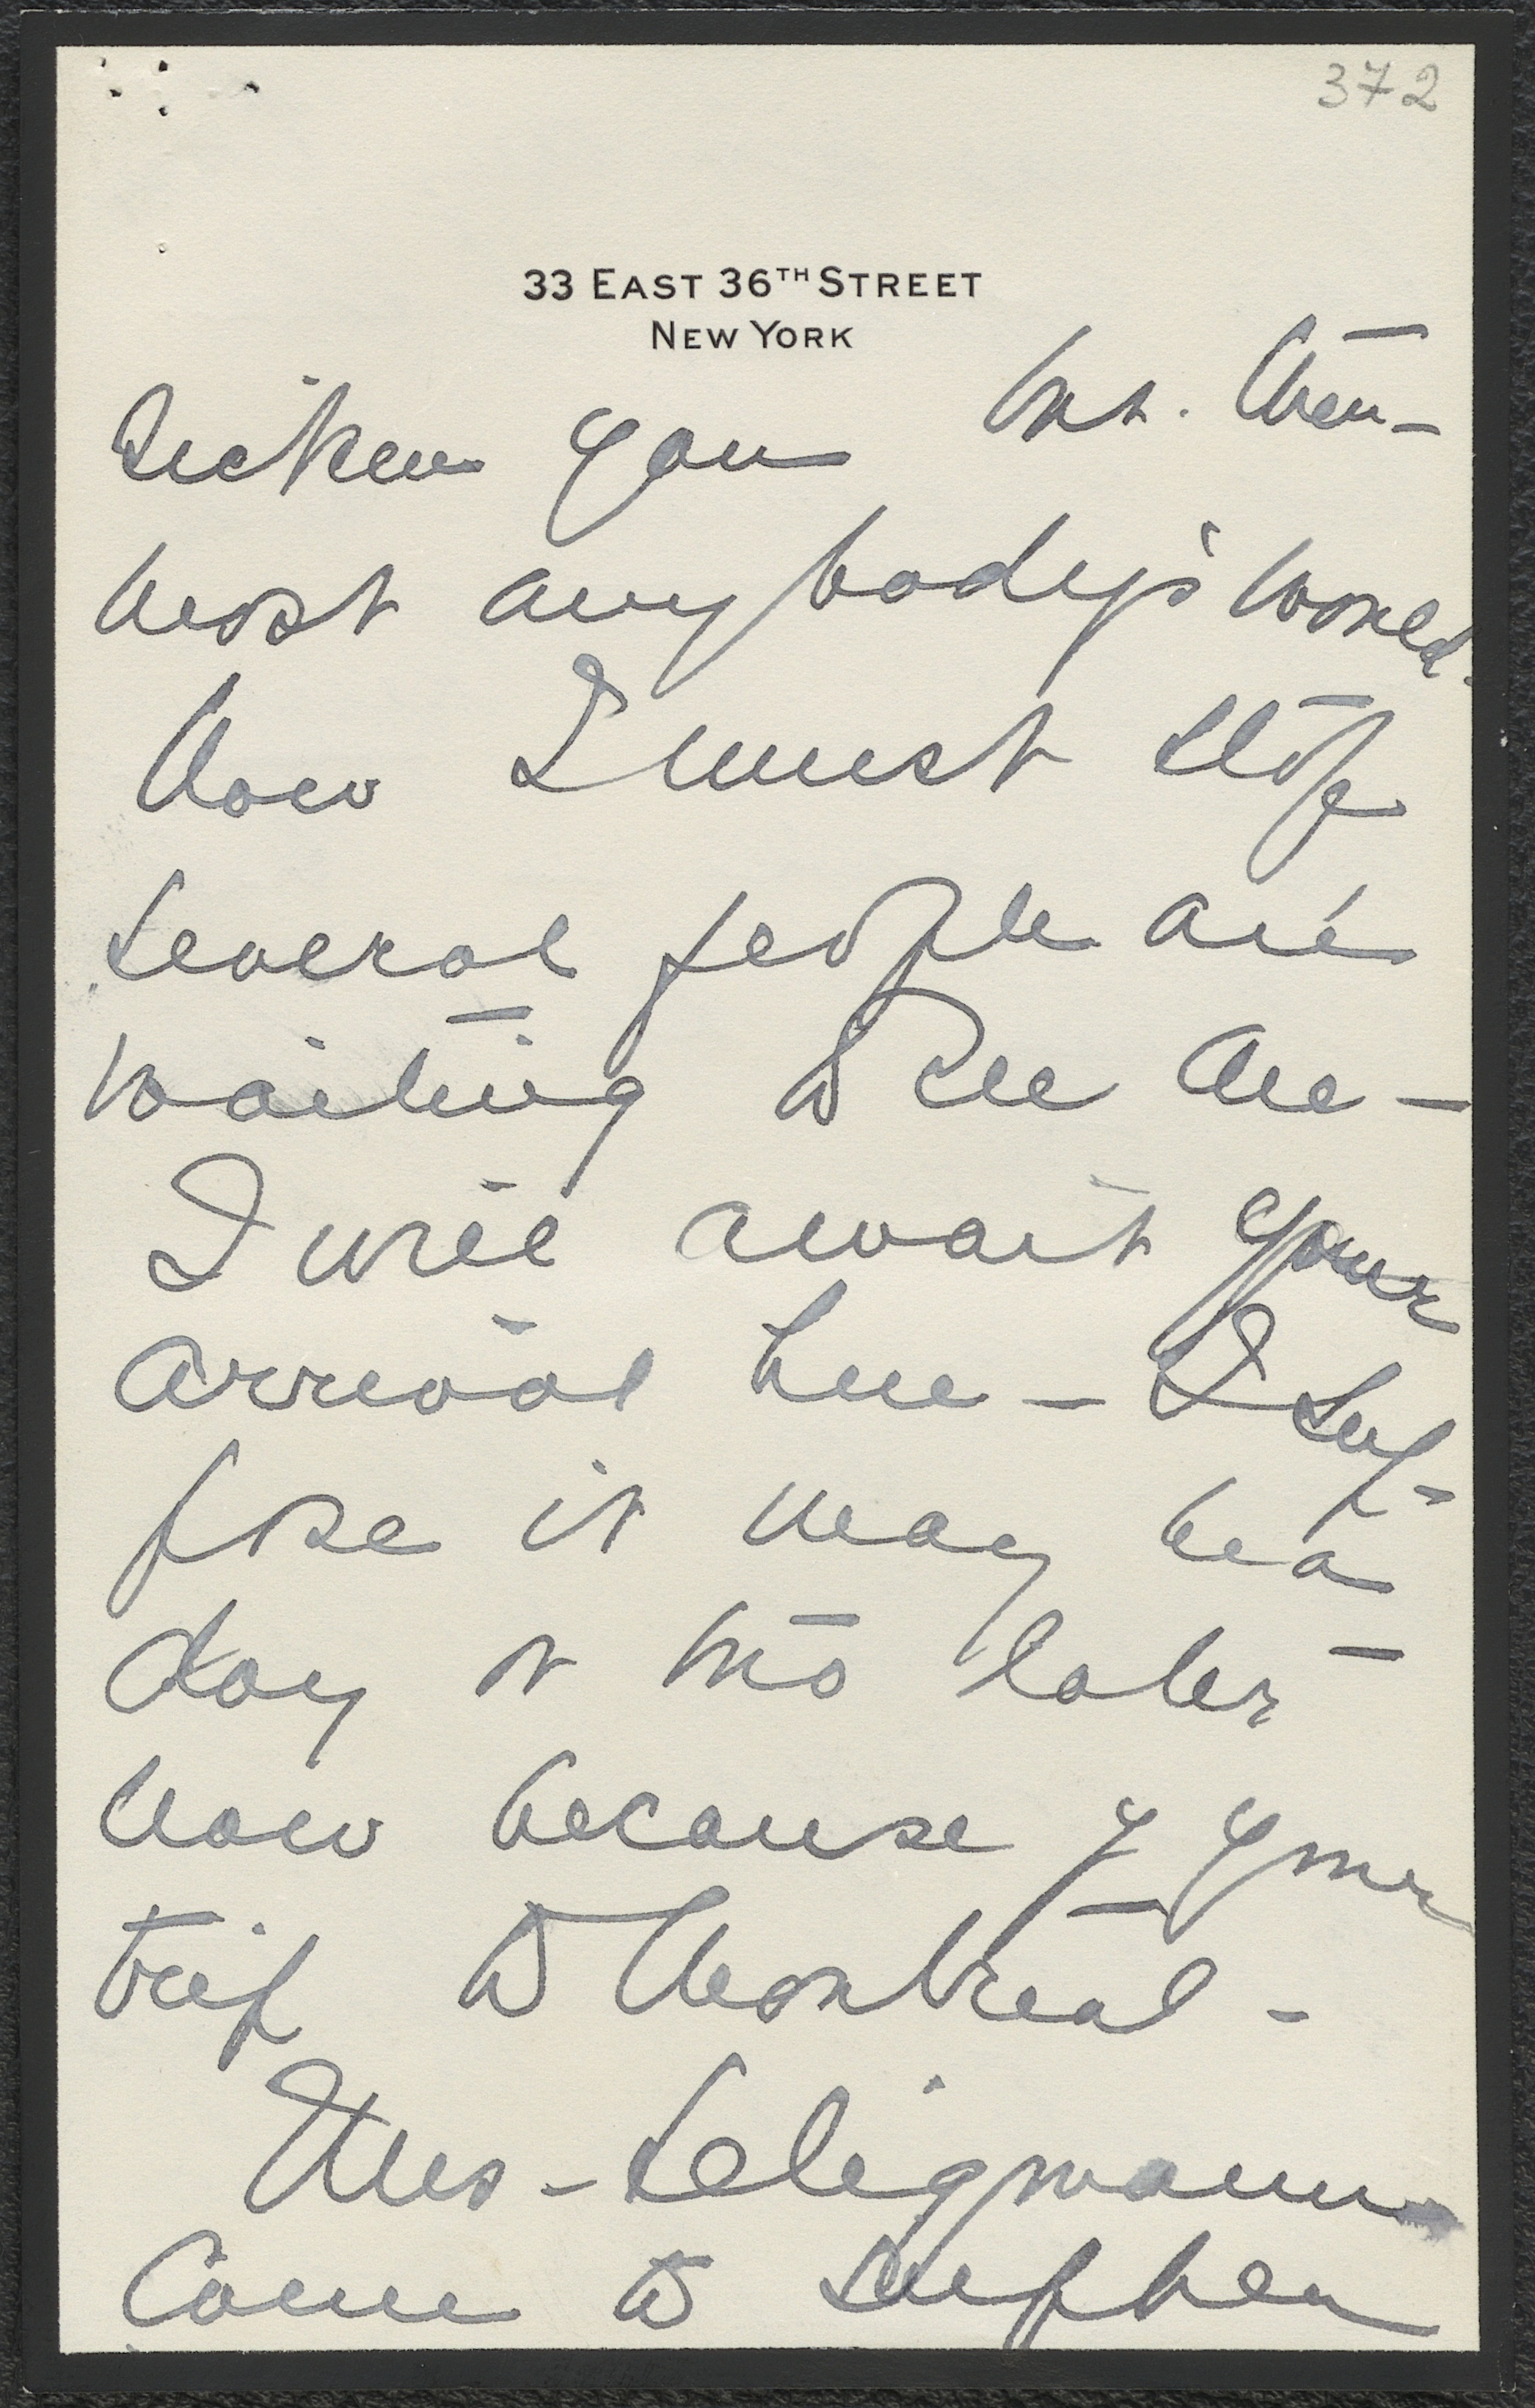sicken you but then – most any body’s would –
Now I must stop, several people are waiting to see me –
I will await your arrival here – I suppose it may be a day or two later now because of your trip to Montreal –
Mrs. Seligmann came to supper